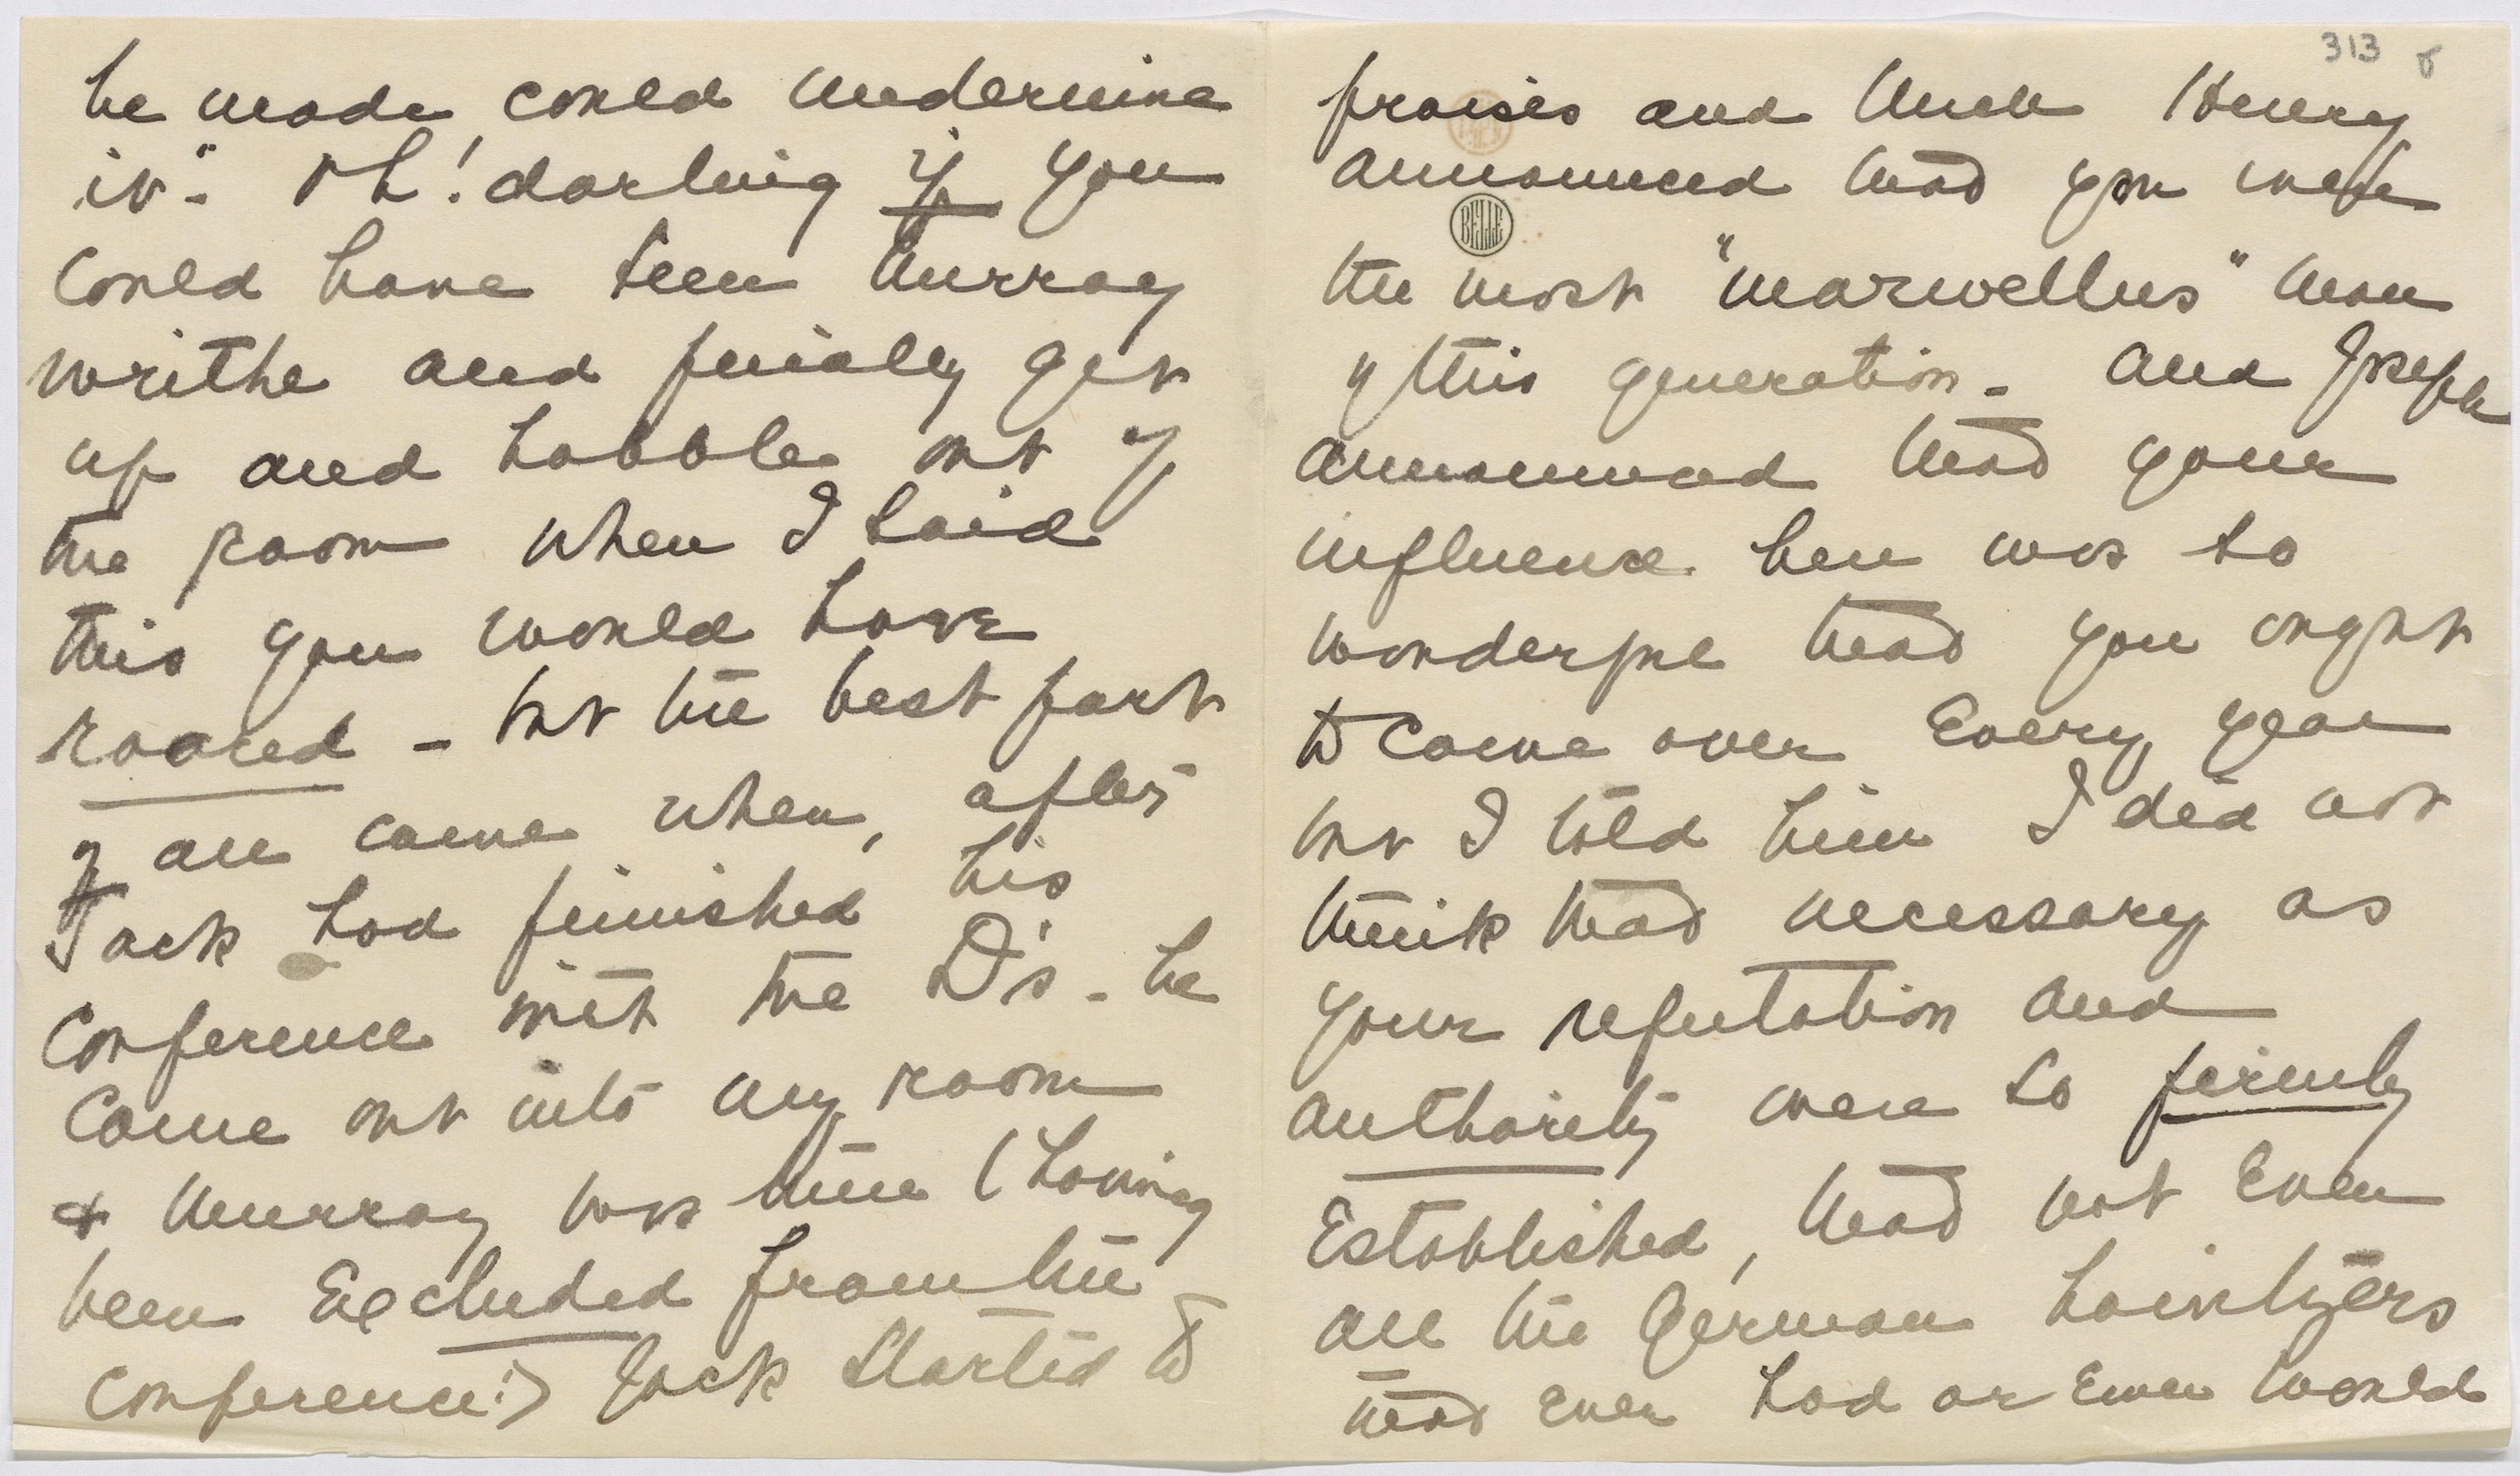praises and Uncle Henry announced that you were the most “marvellous” man of this generation – and Joseph announced that your influence here was so wonderful that you ought to come over every year but I told him I did not think that necessary as your reputation and authority were so firmly established, that not even all the German heintzers that ever had or ever would
be made could undermine it – Oh! darling if you could have seen Murray writhe and finally get up and hobble out of the room when I said this you would have roared – but the best part of all came when, after Jack had finished his conference with the D's – he came out into my room & Murray was there (having been excluded from the conference!) Jack started to